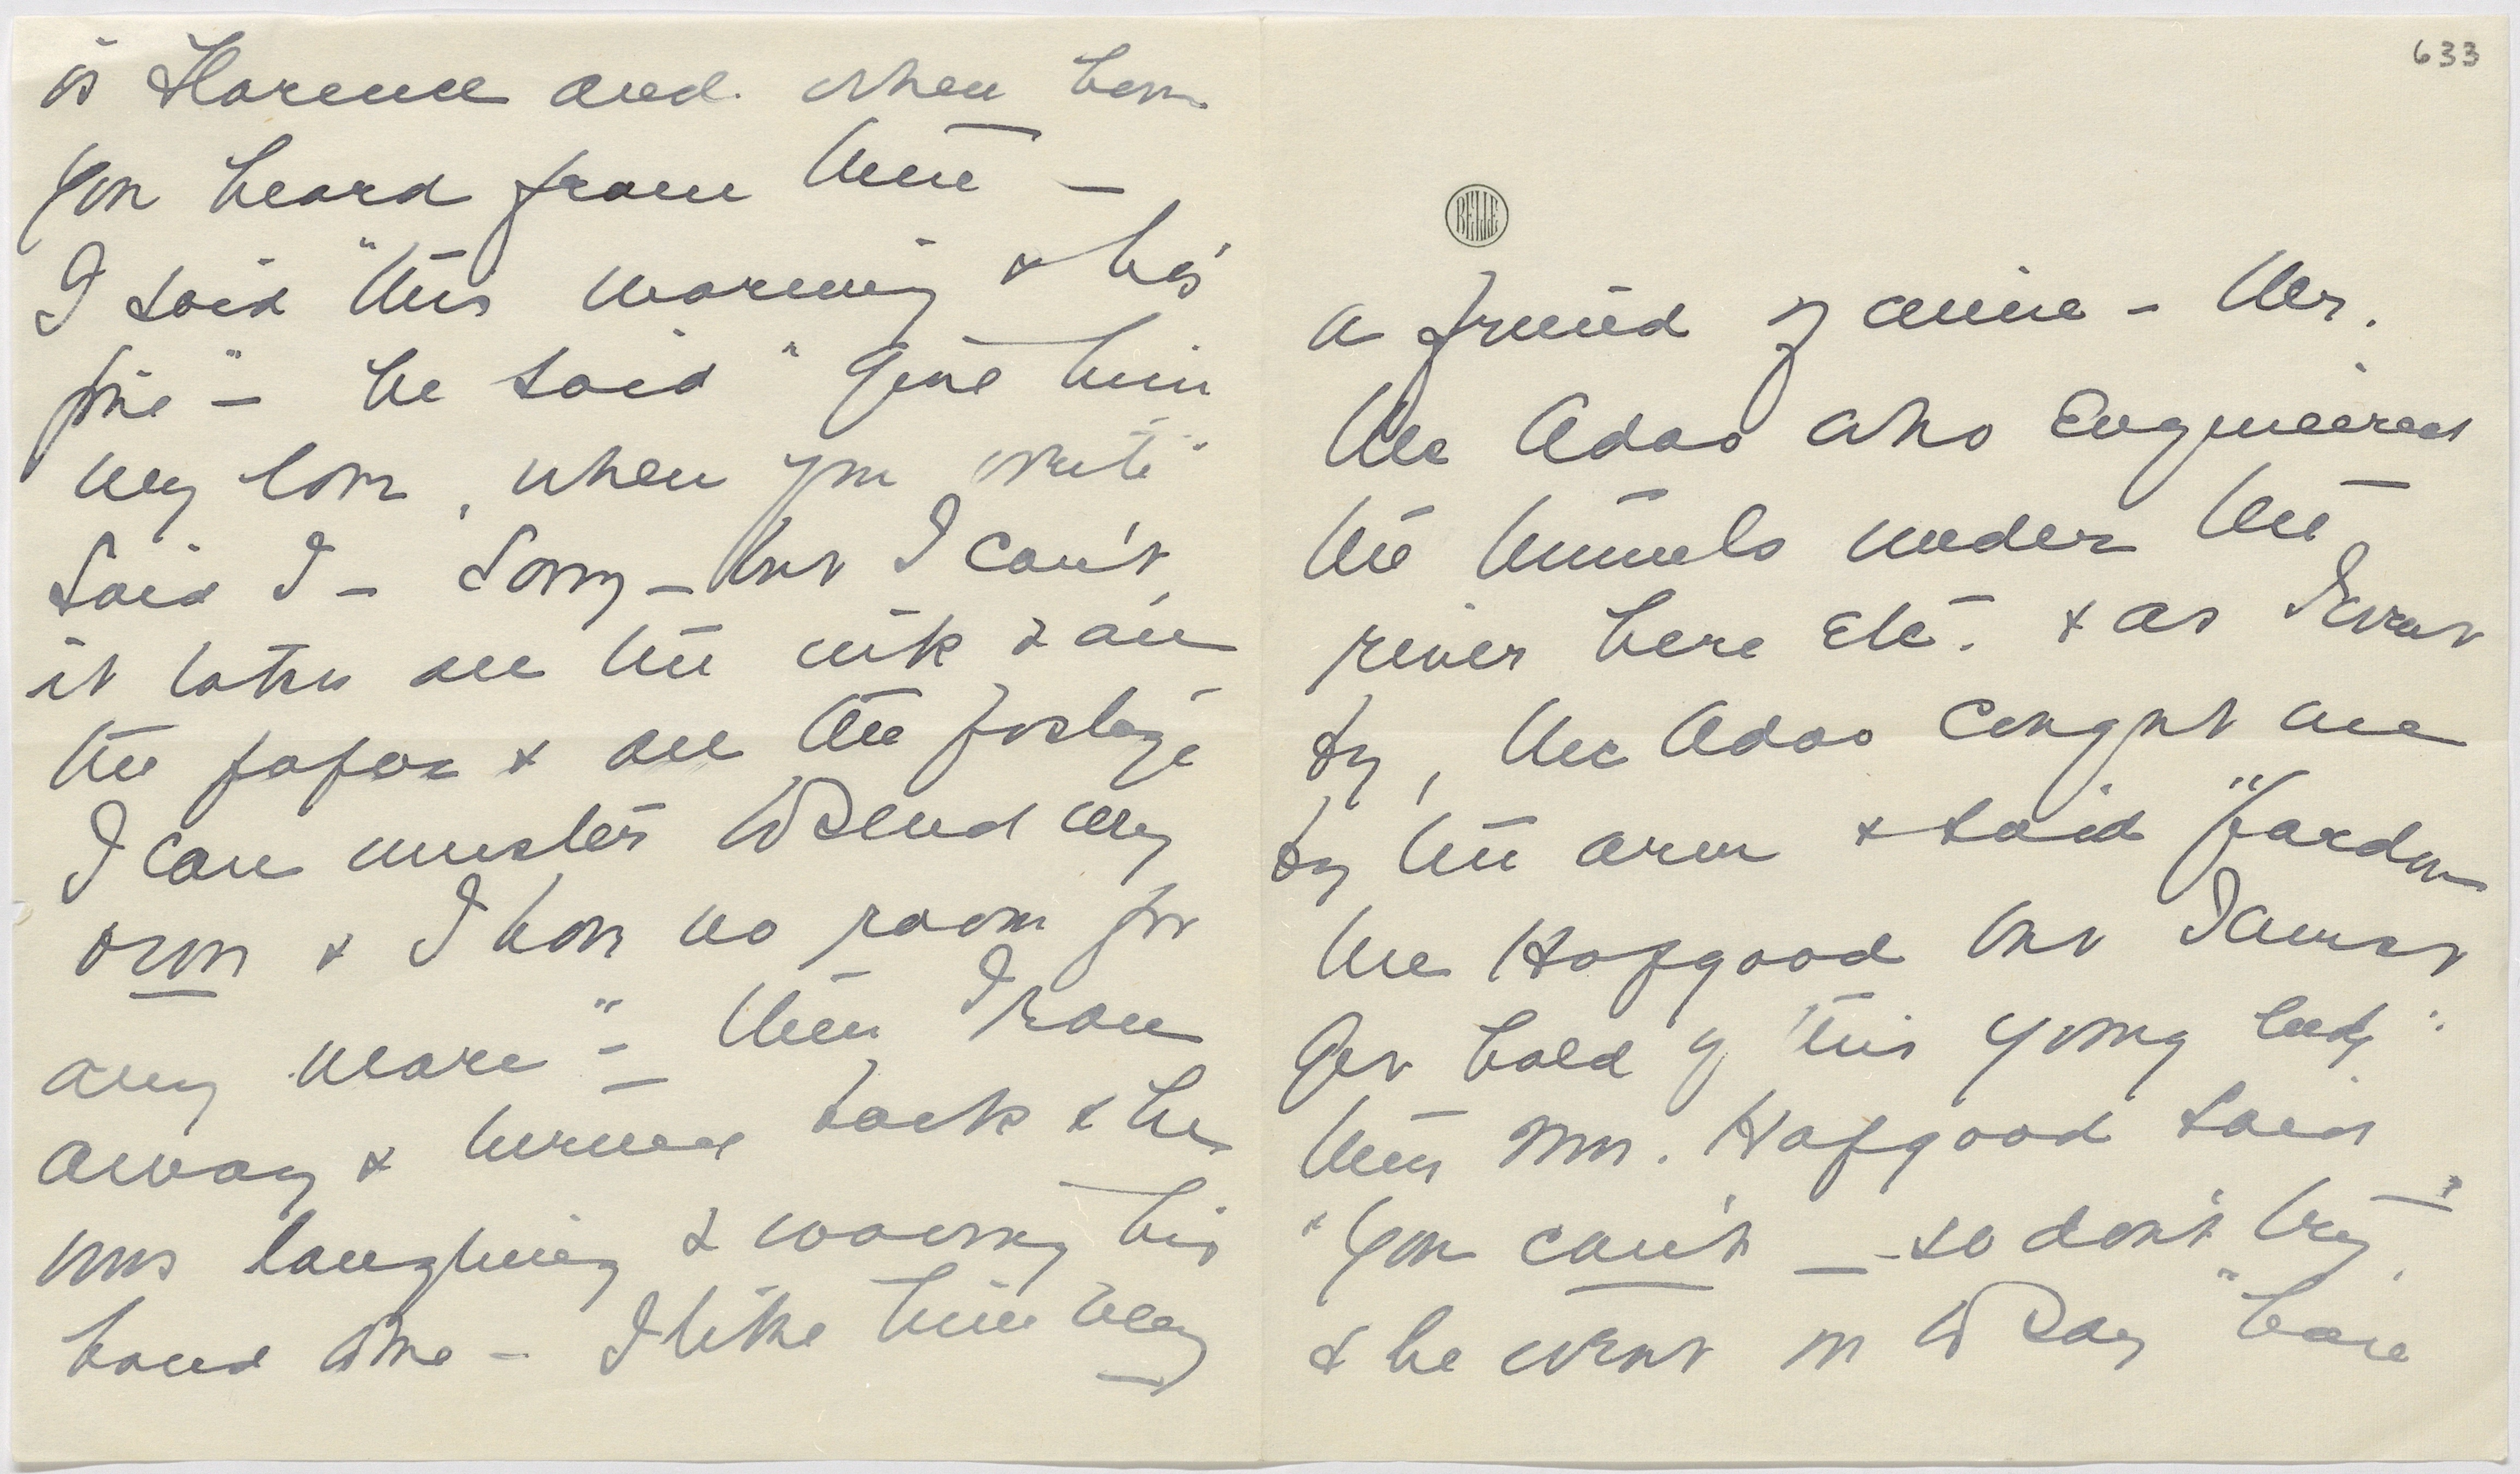a friend of mine – Mr. McAdoo who engineered the tunnels under the river here etc. & as I went by, McAdoo caught me by the arm & said “pardon me Hapgood but I must get hold of this young lady” then Mr. Hapgood said “You can’t – so don’t try” & he went on to say “here
in Florence and when have you heard from there – I said “this morning & he’s fine” – he said “give him my love, when you write” said I – “sorry – but I can’t it takes all the ink & all the paper & all the postage I can muster to spend my own & I have no room for any more” – then I ran away & turned back & he was laughing & waving his hand to me – I like him very